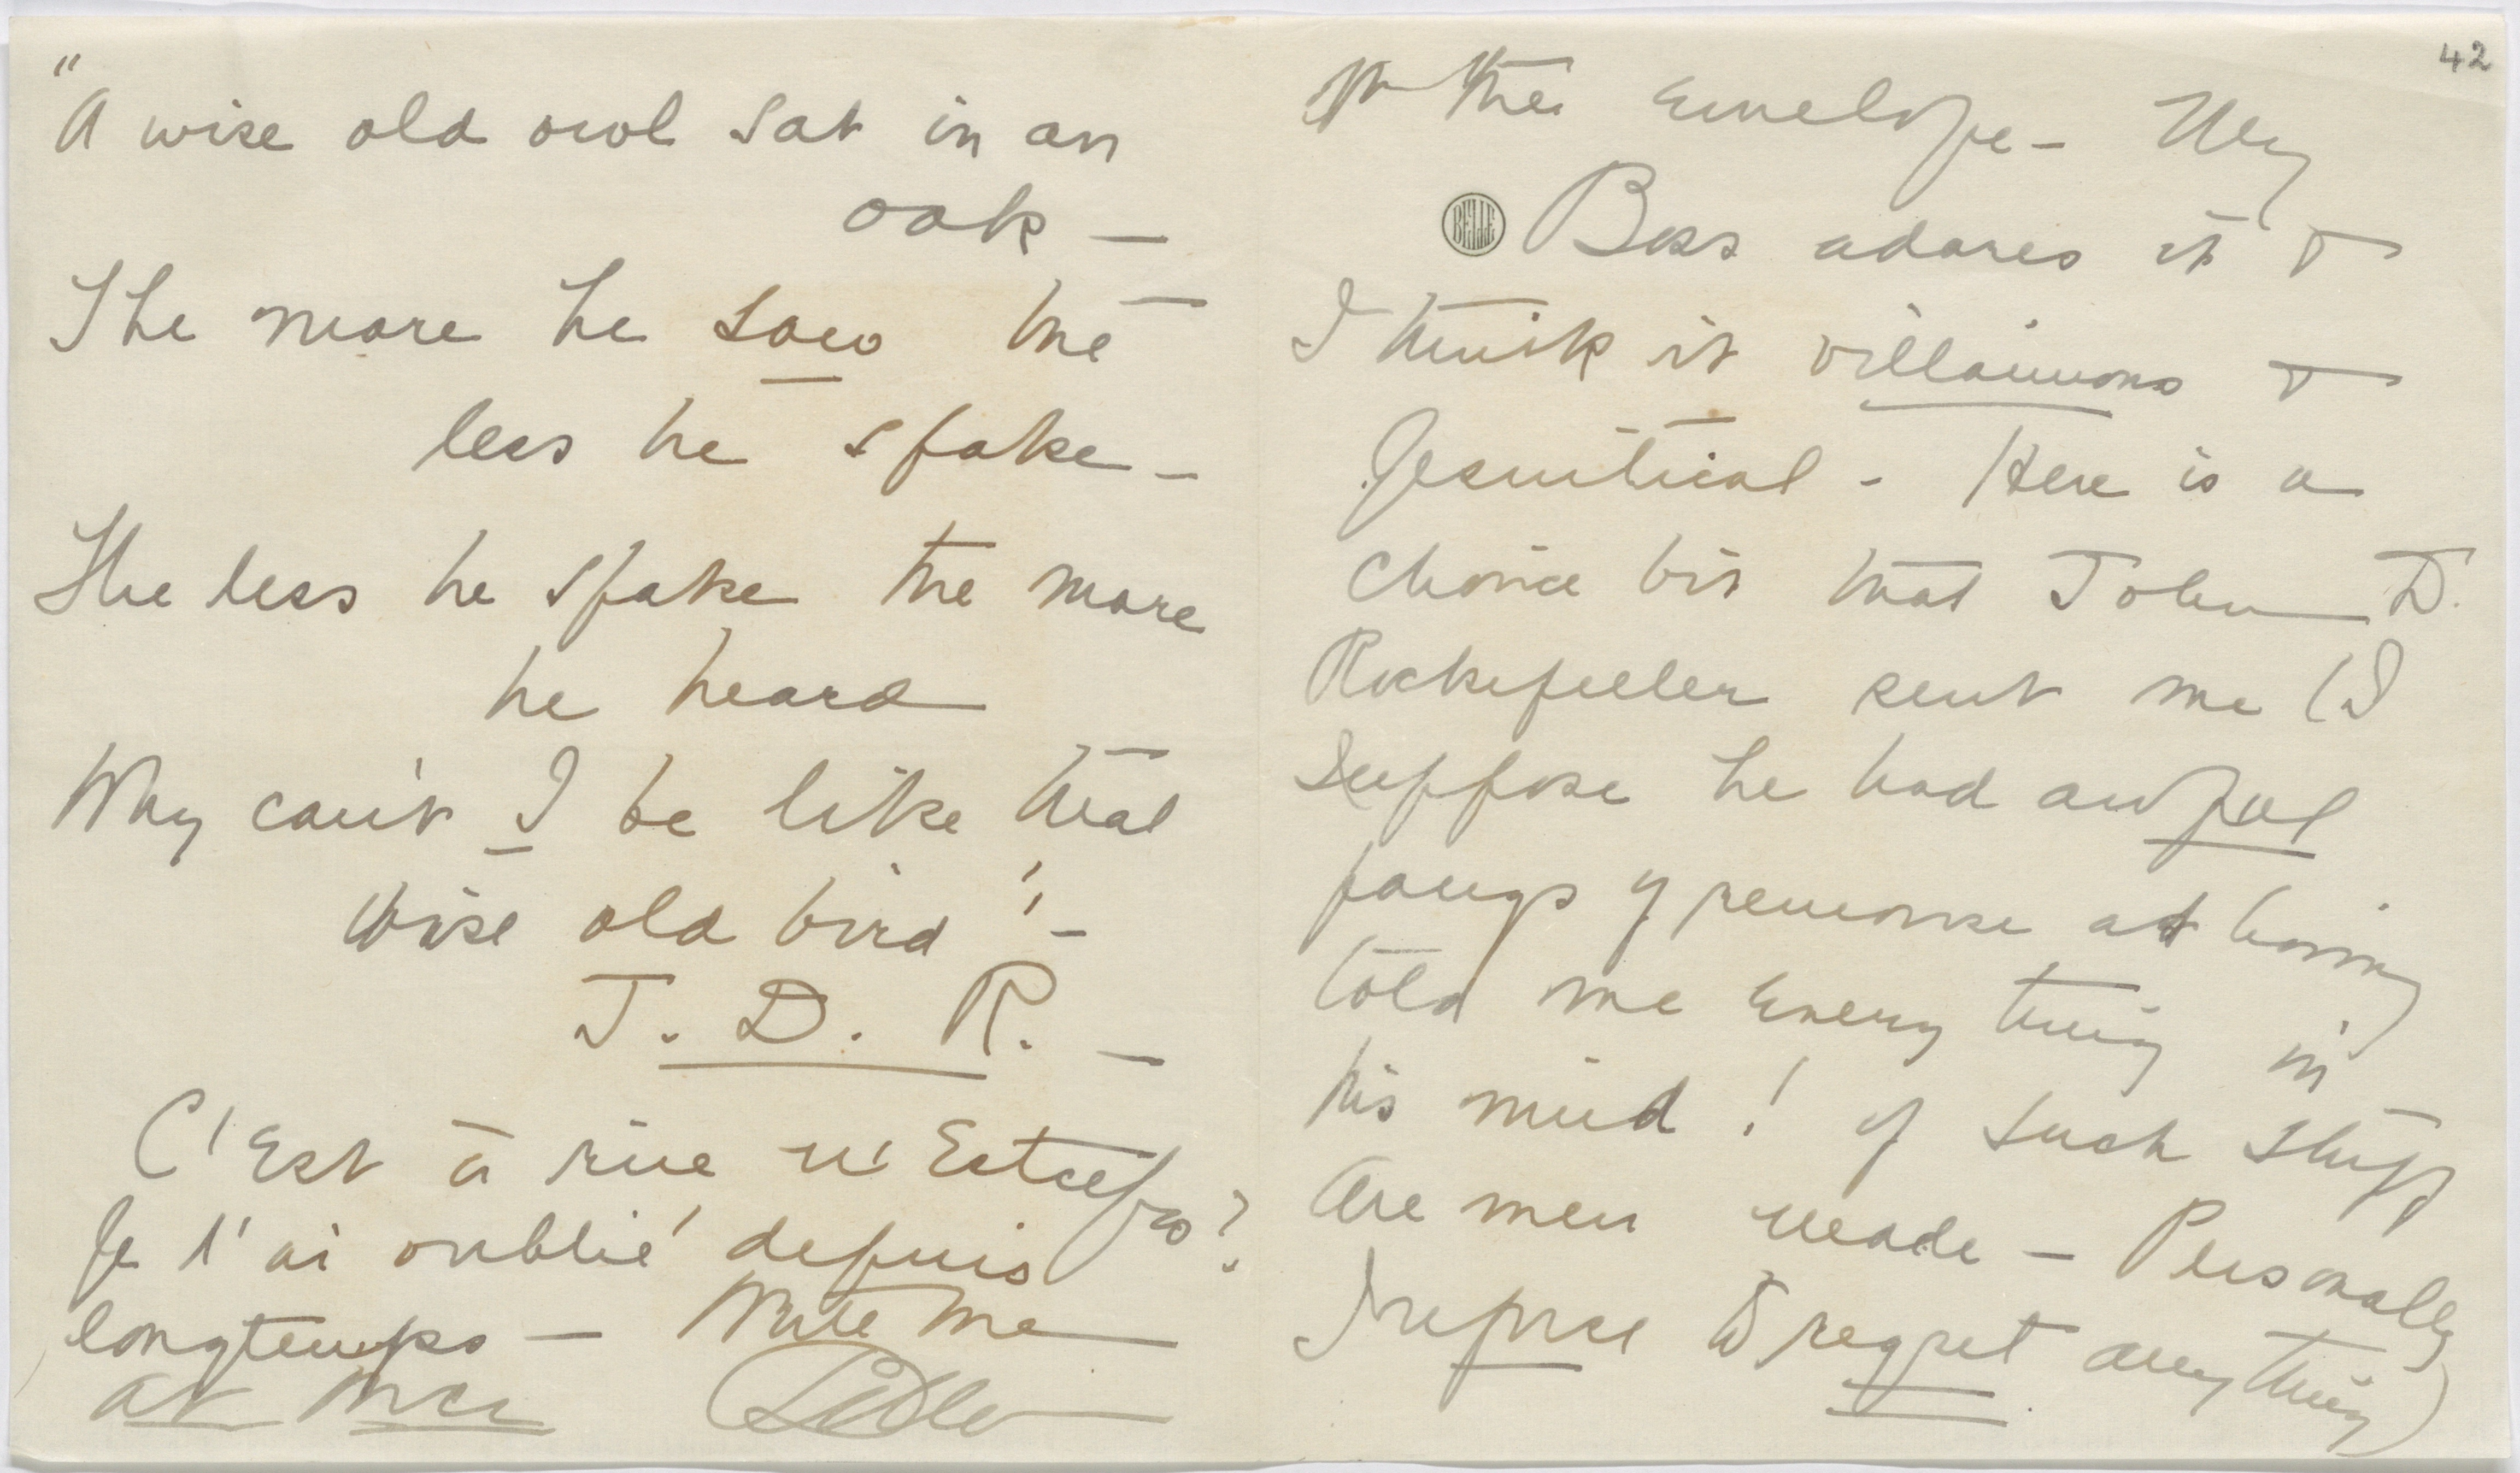on the envelope – My Boss adores it & I think it villainous & Jesuitical – here is a choice bit that John D. Rockefeller sent me (I suppose he had awful pangs of remorse at having told me every thing in his mind! of such stuff are men made – Personally I refuse to [double underlined: regret] anything)
“A wise old owl sat in an oak –
The more he saw the less he spoke –
The less he spoke the more he heard
Why can’t I be like that wise old bird” –
J. D. R. –
C’est à rire n’est ce pas?
Je l’ai oublié depuis longtemps – Write me at once Belle